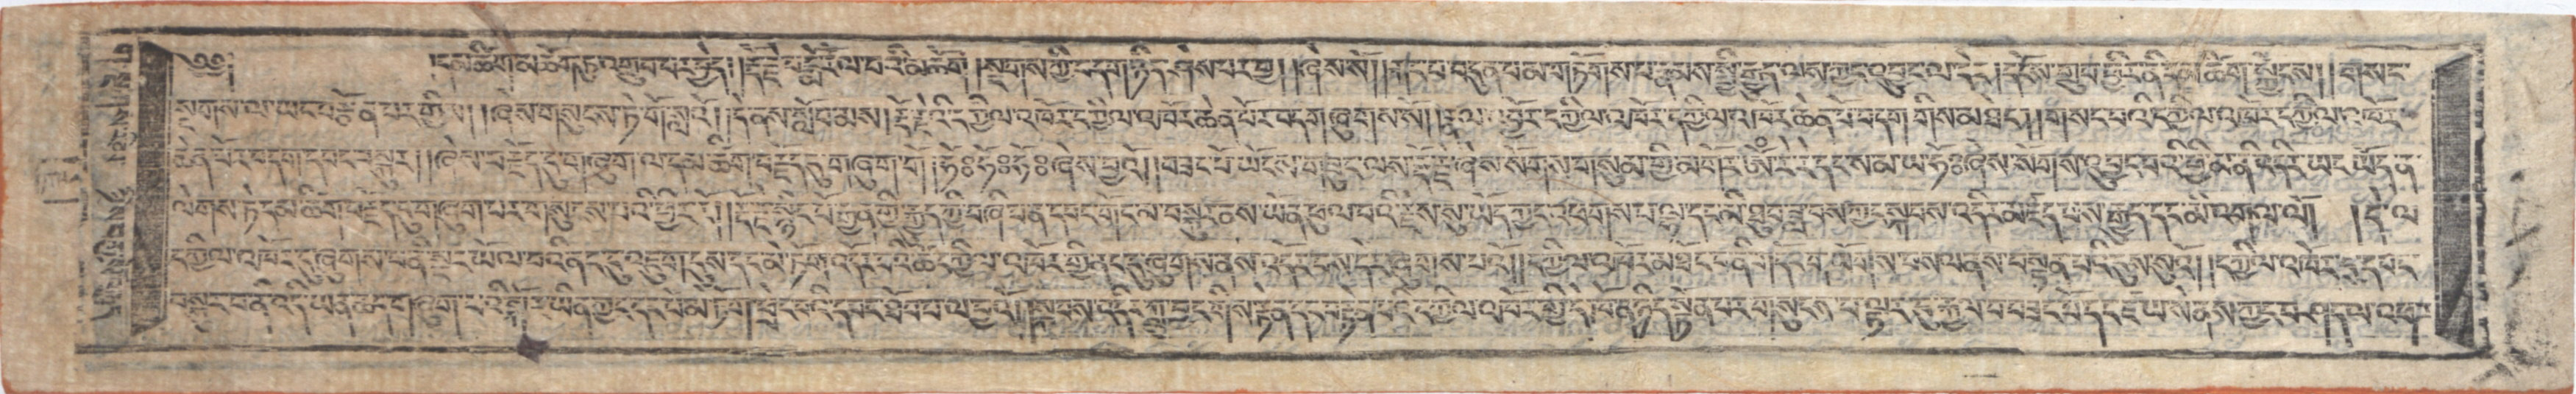༄༅། །དམ་ཚིག་མཆོག་ཏུ་འགྲུབ་པར་བྱེད། །རྡོ་རྗེ་པདམོ་རོལ་པའི་མཆོག །སྔགས་ཀྱི་བདག་ཉིད་ཤེས་པར་བྱ། །ཞེས་སོ། །རྐང་པ་བདུན་པ་མ་གཏོགས་པ་རྣམས་སྤྱི་རྒྱུད་ལས་ཀྱང་འབྱུང་ལ་དེར། དངོས་གྲུབ་ཕྱིར་ནི་དམ་ཚིག་སྐྱོངས། །གསང་
སྔགས་ལ་ཡང་བརྩོན་པར་གྱིས། །ཞེས་གསུངས་ཏེ་གོ་སླའོ། །དེ་ནས་སློབ་མས། རྡོ་རྗེའི་དཀྱིལ་འཁོར་དཀྱིལ་འཁོར་ཆེན་པོར་བདག་ཞུགས་སོ། །རྣལ་འབྱོར་དཀྱིལ་འཁོར་དཀྱིལ་འཁོར་ཆེན་པོ་བདག་གིས་མཐོང་། །གསང་བའི་དཀྱིལ་འཁོར་དཀྱིལ་འཁོར་
ཆེན་པོར་བདག་དབང་བསྐུར། །ཞེས་བརྗོད་དུ་གཞུག་ལ་དམ་ཚིག་བརྗོད་དུ་གཞུག་གོ །ཧོཿ ཧོཿ ཧོཿ ཞེས་བྱའོ། །བཟང་པོ་ཡོངས་གཟུང་ལས་རྡོ་རྗེ་ཞེས་སོགས་གསུམ་གྱི་མགོར་ཨོཾ་རེ་རེ་དང་ས་མ་ཡ་ཧོཿ ཞེས་སོགས་འབྱུང་བའི་ཕྱི་མ་ནི་འདིར་ཡང་ཡོད་ན་
ལེགས་ཏེ་དམ་ཚིག་བརྗོད་དུ་གཞུག་པར་གསུངས་པའི་ཕྱིར་རོ། །རྡོ་རྗེ་སྙིང་པོ་རྒྱན་གྱི་རྒྱུད་ཀྱི་བཞི་པ་ན་དབང་གོང་མ་བསྐུར་ནས་ཡོན་ཕུལ་བའི་རྗེས་སུ་ཡོད་ཀྱང་འཕགས་པ་ལྷ་དང་མི་ཐུབ་ཟླ་བས་ཀྱང་སྐབས་འདིར་མཛད་པས་རྒྱུད་དང་མི་འགལ་ལོ། །དེ་ལ་
དཀྱིལ་འཁོར་དུ་ཞུགས་པ་ནི་སྔར་ཡོལ་བའི་ནང་དུ་འཇུག་དུས་དང་མེ་ཏོག་འདོར་བའི་ཚེ་དཀྱིལ་འཁོར་གྱི་ནང་དུ་ཞུགས་ནས་འདོར་བས་དེར་ཞུགས་པའོ། །དཀྱིལ་འཁོར་མཐོང་བ་ནི་གདོང་གཡོགས་བསལ་ནས་བསྟན་པའི་དུས་སུའོ། །དཀྱིལ་འཁོར་དུ་དབང་
བསྐུར་བ་ནི་འདི་ཡན་ཆད་གཞུག་པའི་སྐོར་ཡིན་ཀྱང་དང་པོ་མེ་ཏོག་ཕྲེང་བའི་དབང་ཐོབ་པ་ལ་བྱའོ། །སྐབས་འདིར་ཀླུ་བྱང་གིས་རྟེན་དང་བརྟེན་པའི་དཀྱིལ་འཁོར་གྱི་དེ་ཁོ་ན་ཉིད་སྟོན་པར་གསུངས་པ་ལྟར་དུ་རྐྱལ་བ་བཟང་པོ་དང་ཛ་ཡ་སེ་ནས་ཀྱང་བཤད་ལ་འཕགས་